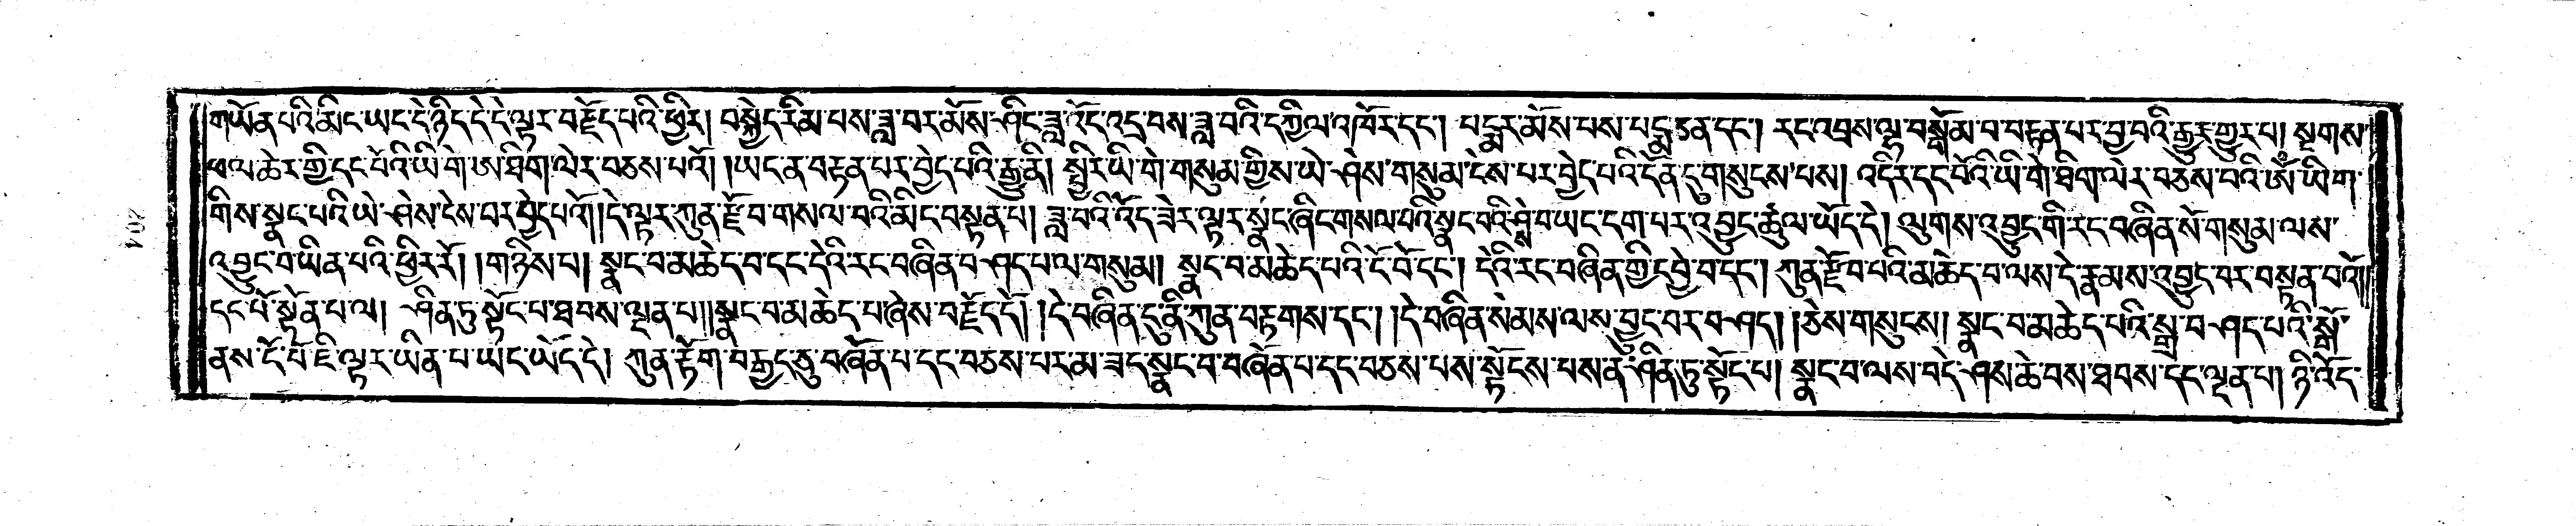གཡོན་པའི་མིང་ཡང་དེ་ཉིད་དེ་དེ་ལྟར་བརྗོད་པའི་ཕྱིར། བསྐྱེད་རིམ་པས་ཟླ་བར་མོས་ཤིང་ཟླ་འོད་འདྲ་བས་ཟླ་བའི་དཀྱིལ་འཁོར་དང་། པདམར་མོས་པས་པདམ་ཅན་དང་། རང་འབྲས་ལྷ་བསྒོམ་པ་བརྟན་པར་བྱ་བའི་རྒྱུར་གྱུར་པ། སྔགས་
ཕལ་ཆེར་གྱི་དང་པོའི་ཡི་གེ་ཨ་ཐིག་ལེར་བཅས་པའོ། །ཡང་ན་བརྟན་པར་བྱེད་པའི་རྒྱུ་ནི། སྤྱིར་ཡི་གེ་གསུམ་གྱིས་ཡེ་ཤེས་གསུམ་ངེས་པར་བྱེད་པའི་དོན་དུ་གསུངས་པས། འདིར་དང་པོའི་ཡི་གེ་ཐིག་ལེར་བཅས་པའི་ཨོཾ་ཡིག་
གིས་སྣང་བའི་ཡེ་ཤེས་ངེས་པར་བྱེད་པའོ། །དེ་ལྟར་ཀུན་རྫོབ་གསལ་བའི་མིང་བསྟན་པ། ཟླ་བའི་འོད་ཟེར་ལྟར་སྣང་ཞིང་གསལ་བའི་སྣང་བའི་ཤེས་པ་ཡང་དག་པར་འབྱུང་ཚུལ་ཡོད་དེ། ལུགས་འབྱུང་གི་རང་བཞིན་སོ་གསུམ་ལས་
འབྱུང་བ་ཡིན་པའི་ཕྱིར་རོ། །གཉིས་པ། སྣང་བ་མཆེད་པ་དང་དེའི་རང་བཞིན་བཤད་པ་ལ་གསུམ། སྣང་བ་མཆེད་པའི་ངོ་བོ་དང་། དེའི་རང་བཞིན་གྱི་དབྱེ་བ་དང་། ཀུན་རྫོབ་པའི་མཆེད་པ་ལས་དེ་རྣམས་འབྱུང་བར་བསྟན་པའོ། །
དང་པོ་སྟོན་པ་ལ། ཤིན་ཏུ་སྟོང་པ་ཐབས་ལྡན་པ། །སྣང་བ་མཆེད་པ་ཞེས་བརྗོད་དོ། །དེ་བཞིན་དུ་ནི་ཀུན་བརྟགས་དང་། །དེ་བཞིན་སེམས་ལས་བྱུང་བར་བཤད། །ཅེས་གསུངས། སྣང་བ་མཆེད་པའི་སྒྲ་བཤད་པའི་སྒོ་
ནས་ངོ་བོ་ཇི་ལྟར་ཡིན་པ་ཡང་ཡོད་དེ། ཀུན་རྟོག་བརྒྱད་ཅུ་བཞོན་པ་དང་བཅས་པར་མ་ཟད་སྣང་བ་བཞོན་པ་དང་བཅས་པས་སྟོངས་པས་ན་ཤིན་ཏུ་སྟོང་པ། སྣང་བ་ལས་བདེ་ཤས་ཆེ་བས་ཐབས་དང་ལྡན་པ། ཉི་འོད་